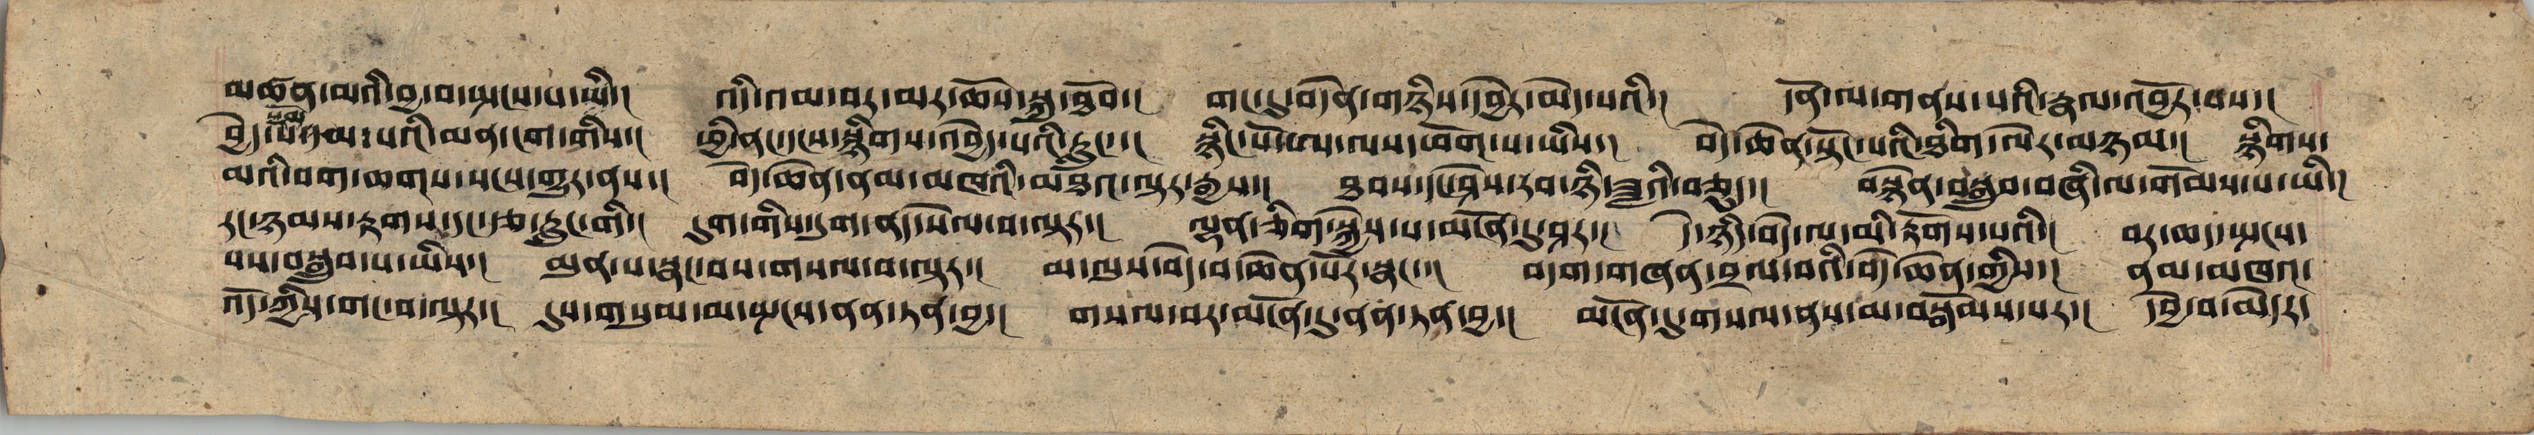མཚན་མའི་བྱ་བ་སྤངས་པ་ཡི་། འདི་འམ་བར་མར་ཆོས་སྐུ་ཐོབ་། གང་དུ་བདེན་གཉིས་དབྱེར་མེད་པའི་། དོན་ལ་གནས་པའི་རྣལ་འབྱོར་བས་།
བྱེད་པ་དམ་པའི་མན་ངག་གིས་། ཕྱི་ནང་དངས་སྙིགས་འབྱེད་པའི་རླུང་་། སྙིང་པོ་ཨ་ལས་ཕོག་པ་ཡིས་། བདེ་ཆེན་སྟོང་པའི་ཐིག་ལེར་མཉམ་། སྙིགས་
མའི་བག་ཆགས་སངས་གྱུར་ནས་། བདེ་ཆེན་ནམ་མཁའི་མཐའ་ལྟར་རྒྱས་། ཐབས་དང་ཤེས་རབ་ཉི་ཟླའི་བཅུད་། བསྙེན་བསྒྲུབ་བཞི་ལ་གོམས་པ་ཡི་།
རང་ཉམས་རྟགས་དང་རྩ་རླུང་གི་། དུག་གིས་དུག་ནད་སེལ་བ་ལྟར་། ལྷན་ཅིག་སྐྱེས་པ་མངོན་དུ་ཤར་། དེ་ཉིད་བདེ་ལ་མི་རྟོགས་པའི་། བར་ཆད་སྤངས་
པས་བསྒྲུབ་པ་ཡིས་། མུན་པ་སྣང་བས་གསལ་བ་ལྟར་། མ་ལུས་བདེ་བ་ཆེན་པོར་སྣང་་། བདག་གཞན་བྲལ་བའི་བདེ་ཆེན་གྱིས་། ནམ་མཁའ་
འོད་ཀྱིས་གང་བ་ལྟར་། དུས་གསུམ་མ་སྤངས་ནན་ཏན་བྱ་། གསལ་བར་མངོན་དུ་ནན་ཏན་བྱ་། མངོན་དུ་གསལ་ནས་མ་བསྒོམས་པར་། དབྱེ་བ་མེདར་